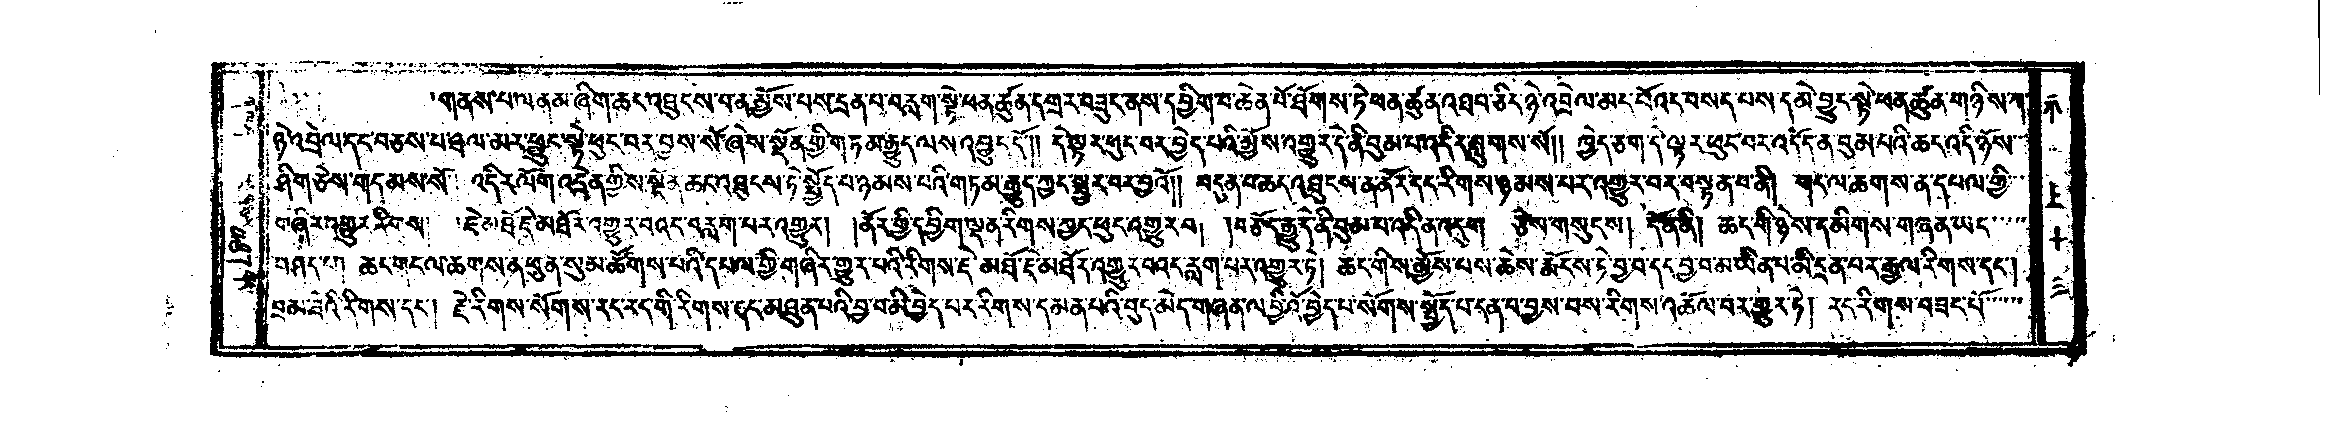༄༅། །གནས་པ་ལ་ནམ་ཞིག་ཆང་འཐུངས་པ་ན་མྱོས་པས་དྲན་པ་བརླག་སྟེ་ཕན་ཚུན་དགྲར་བཟུང་ནས་དབྱིག་པ་ཆེན་པོ་ཐོགས་ཏེ་ཕན་ཚུན་འཐབ་ཅིང་ཉེ་འབྲེལ་མང་པོའང་བསད་པས་དམེ་བྱུང་སྟེ་ཕན་ཚུན་གཉིས་ཀ་
ཉེ་འབྲེལ་དང་བཅས་པ་ཐལ་མར་ཕྱུང་སྟེ་ཕུང་བར་བྱས་སོ་ཞེས་སྔོན་གྱི་གཏམ་རྒྱུད་ལས་འབྱུང་ངོ།། དེ་ལྟར་ཕུང་བར་བྱེད་པའི་མྱོས་འགྱུར་དེ་ནི་བུམ་པ་འདིར་བླུགས་སོ།། ཁྱེད་ཅག་དེ་ལྟར་ཕུང་བར་འདོད་ན་བུམ་པའི་ཆང་འདི་ཉོས་
ཤིག་ཅེས་གདམས་སོ།། འདིར་ལོག་འདྲེན་གྱིས་སྔོན་ཆང་འཐུངས་ཏེ་སྤྱོད་པ་ཉམས་པའི་གཏམ་རྒྱུད་ཀྱང་སྦྱར་བར་བྱའོ།། བདུན་པ་ཆད་འཐུངས་ན་ནོར་དང་རིགས་ཉམས་པར་འགྱུར་བར་བསྟན་པ་ནི། གང་ལ་ཆགས་ན་དཔལ་གྱི་
གཞིར་འགྱུར་རིགས། །ཇེ་མཐོ་ཇེ་མཐོར་འགྱུར་བའང་བརླག་པར་འགྱུར། །ནོར་གྱི་དབྱིག་ལྡན་རིགས་ཀྱང་ཕུང་འགྱུར་བ། །བཙོད?་རྒྱུ་དེ་ནི་བུམ་པ་འདི་ན་འདུག་ཅེས་གསུངས། དོན་ནི། ཆང་གི་ཉེས་དམིགས་གཞན་ཡང་
བཤད་པ། ཆང་གང་ལ་ཆགས་ན་ཕུན་སུམ་ཚོགས་པའི་དཔལ་གྱི་གཞིར་གྱུར་པའི་རིགས་ཇེ་མཐོ་ཇེ་མཐོར་འགྱུར་བའང་རླག་པར་འགྱུར་ཏེ། ཆང་གིས་མྱོས་པས་ཆེས་རྨོངས་ཏེ་བྱ་བ་དང་བྱ་བ་མ་ཡིན་པ་མི་དྲན་པར་རྒྱལ་རིགས་དང་།
བྲམ་ཟེའི་རིགས་དང་། རྗེ་རིགས་སོགས་རང་རང་གི་རིགས་དང་མཐུན་པའི་བྱ་བ་མི་བྱེད་པར་རིགས་དམན་པའི་བུད་མེད་གཞན་ལ་བྱི་བོ་བྱེད་པ་སོགས་སྤྱོད་པ་ངན་པ་བྱས་པས་རིགས་འཆོལ་བར་གྱུར་ཏེ། རང་རིགས་བཟང་པོ་